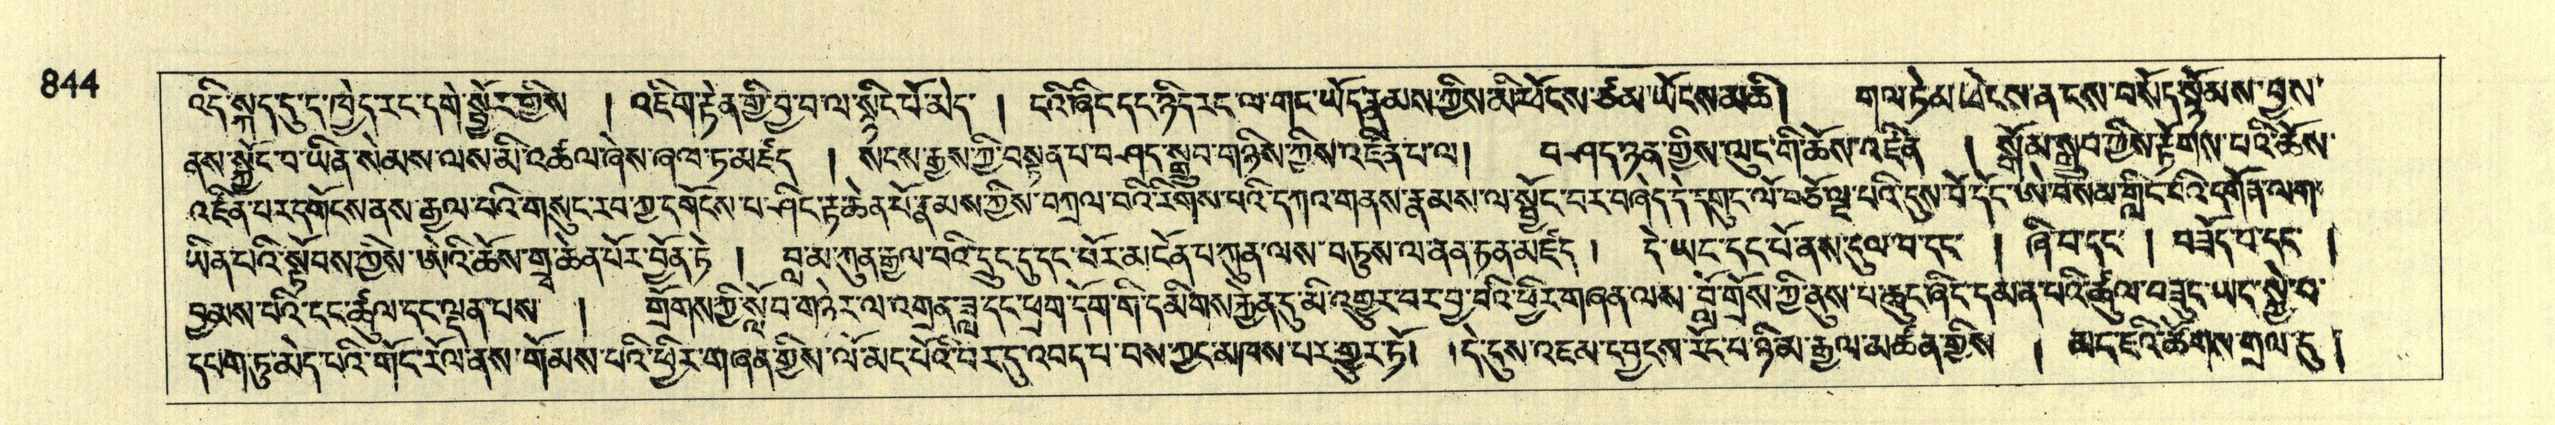འདི་སྐད་དུ་ད་ཁྱེད་རང་དགེ་སྦྱོར་གྱིས་།འཇིག་རྟེན་གྱི་བྱ་བ་ལ་སྙིང་པོ་མེད། ངའི་ཞིང་དང་ཉིད་རང་ལ་གང་ཡོད་རྣམས་ཀྱིས་མི་ཕོངས་ཙམ་ཡོངས་མཆི། གལ་ཏེ་མ་ཕེངས་ནངས་བསོད་སྙོམས་བྱས་
ནས་སྐྱོང་བ་ཡིན་སེམས་ལས་མི་འཚལ་ཞེས་ཞལ་ཏ་མཛད་།སངས་རྒྱས་ཀྱི་བསྟན་པ་བཤད་སྒྲུབ་གཉིས་ཀྱིས་འཛིན་པ་ལ། བཤད་ཉན་གྱིས་ལུང་གི་ཆོས་འཛིན། སྒོམ་སྒྲུབ་ཀྱིས་རྟོགས་པའི་ཆོས་
འཛིན་པར་དགོངས་ནས་རྒྱལ་བའི་གསུང་རབ་ཀྱ་དགོངས་པ་ཤིང་རྟ་ཆེན་པོ་རྣམས་ཀྱིས་བཀྲལ་བའི་རིགས་པའི་དཀའ་གནས་རྣམས་ལ་སྦྱོང་བར་བཞེད་དེ་དགུང་ལོ་བཅོ་ལྔ་པའི་དུས་བོ་དོང་ཨེ་བསམ་གླིང་བའི་དགོན་ལག་
ཡིན་པའི་སྟོབས་ཀྱིས་ཨེའི་ཆོས་གྲྭ་ཆེན་པོར་བྱོན་ཏེ། བླ་མ་ཀུན་རྒྱལ་བའི་དྲུང་དུ་དང་པོར་མངོན་པ་ཀུན་ལས་བཏུས་ལ་ནན་ཏན་མཛད། དེ་ཡང་དང་པོ་ནས་དུལ་བ་དང་། ཞི་བ་དང་། བཟོད་པ་དང་།
བྱམས་པའི་ངང་ཚུལ་དང་ལྡན་པས། གྲོགས་ཀྱི་སློབ་གཉེར་ལ་འགྲན་ཟླ་དང་ཕྲག་དོག་གི་དམིགས་རྐྱེན་དུ་མི་འགྱུར་བར་བྱ་བའི་ཕྱིར་གཞན་ལས་བློ་གྲོས་ཀྱི་ནུས་པ་ཆུང་ཞིང་དམན་པའི་ཚུལ་བཟུང་ཡང་སྐྱེ་བ་
དཔག་ཏུ་མེད་པའི་གོང་རོལ་ནས་གོམས་པའི་ཕྱིར་གཞན་གྱིས་ལོ་མང་པོའི་བར་དུ་འབད་པ་བས་ཀྱང་མཁས་པར་གྱུར་ཏོ། །དེ་དུས་འཇམ་དབྱངས་རོང་པ་ཉི་མ་རྒྱལ་མཚན་གྱིས། མང་ཇའི་ཚོགས་གྲལ་དུ།